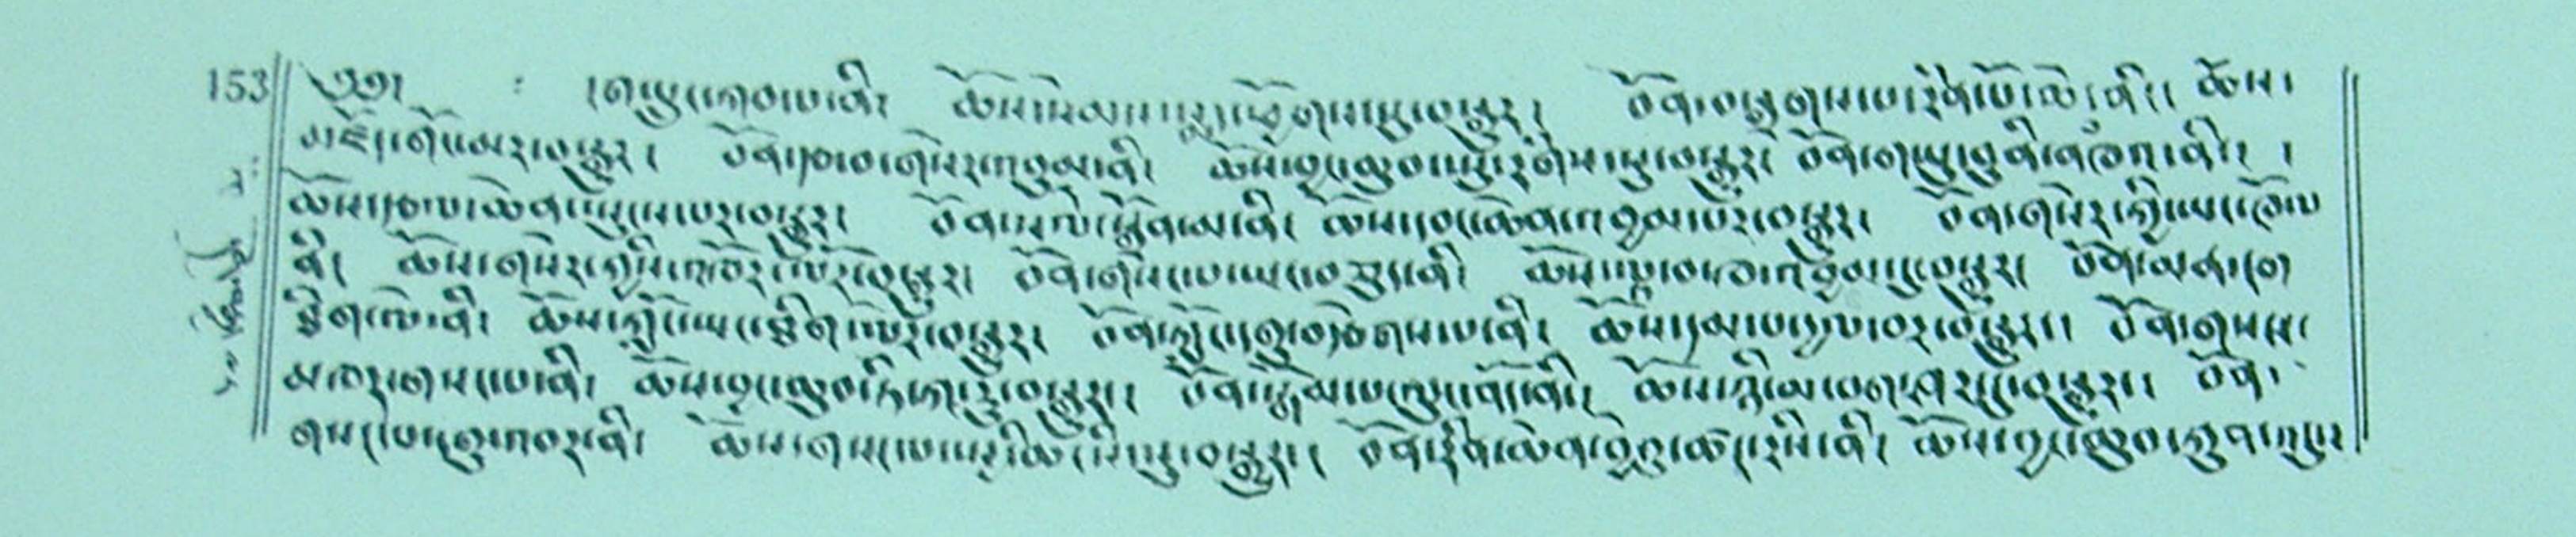༄༅། །གཡུང་དྲུང་ཀ་བ་ནི། ཆོས་ཀྱི་སེམས་སྨད་ཕྱོགས་སུ་བསྒྱུར། བོན་བསྒྲགས་པ་རིན་པོ་ཆེ་ནི། ཆོས་
མཛོད་གོང་མར་བསྒྱུར། བོན་རྩ་བ་གསེར་འབུམ་ནི། ཆོས་བྱང་ཆུབ་སྤུ་རིགས་སུ་བསྒྱུར། བོན་གཡུ་བུནི་ནམ་མཁའ་ནི། 
ཆོས་རྩལ་ཆེན་སྤུངས་པར་བསྒྱུར། བོན་སལེ་སྒྲོན་མ་ནི། ཆོས་དབང་ཆེན་འབྱམས་པར་བསྒྱུར། བོན་གསེར་གྱི་ཡང་ཁོལ་
ནི། ཆོས་གསེར་གྱིས་འཁོར་ལོར་བསྒྱུར། བོན་གསང་བ་ཡང་བཅུད་ནི། ཆོས་ལྟ་བ་ཁ་འབྱམས་སུ་བསྒྱུར། བོན་མན་ངག་
ཐིག་ལེ་ནི། ཆོས་ཀློང་ཡང་ཐིག་ལེར་བསྒྱུར། བོན་ཀློང་དགུ་བརྩེགས་པ་ནི། ཆོས་དམ་པ་རྒྱལ་བར་བསྒྱུར། བོན་གསས་
མཁར་གསང་བ་ནི། ཆོས་བྱང་ཆུབ་ཏི་ཀ་རུ་བསྒྱུར། བོན་སྒོམ་པ་ལུང་ནོད་ནི། ཆོས་ཉི་མ་བག་ཤར་དུ་བསྒྱུར། བོན་
གསང་བ་དགུ་འཕར་ནི། ཆོས་གསང་བ་སྤྱི་ཆིངས་སུ་བསྒྱུར། བོན་རིན་ཆེན་བྱེའུ་ཚང་རིས་ནི། ཆོས་བྱང་ཆུབ་ཀུན་འདུས་